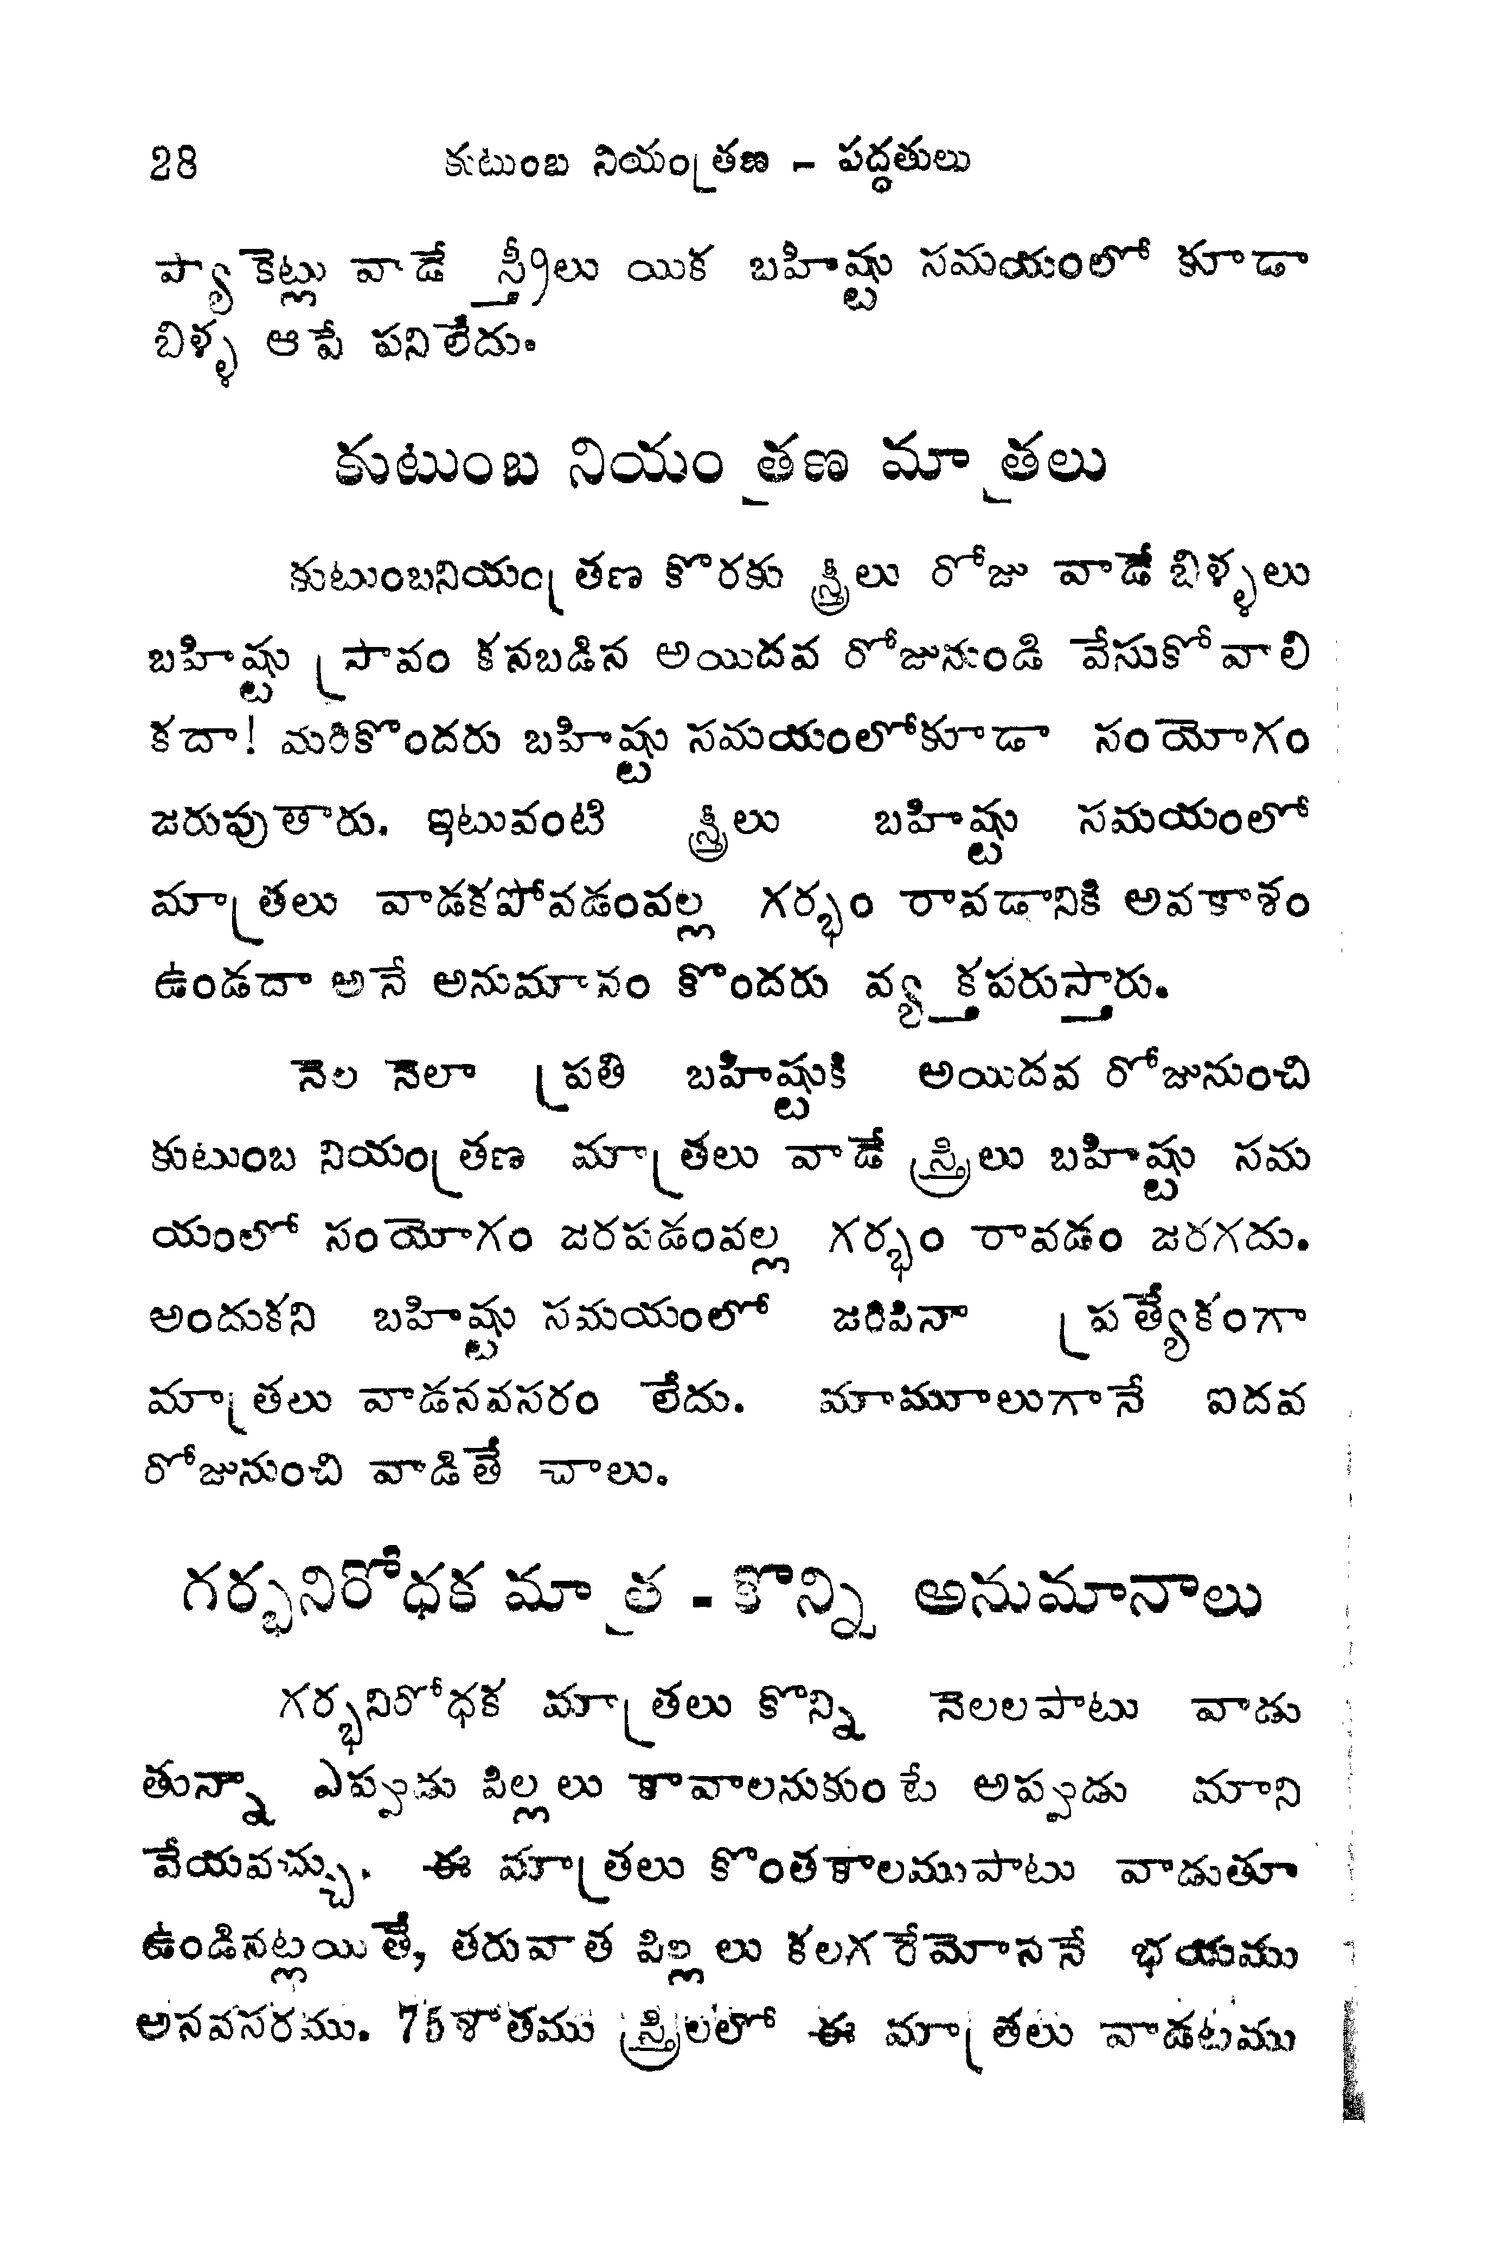ప్యాకెట్లు వాడే స్త్రీలు యిక బహిష్టు సమయంలో కూడా బిళ్ళ ఆపే పనిలేదు.

కుటుంబనియంత్రణ కొరకు స్త్రీలు రోజు వాడే బిళ్ళలు బహిష్టు స్రావం కనబడిన అయిదవ రోజునుండి వేసుకోవాలి కదా! మరికొందరు బహిష్టు సమయంలోకూడా సంయోగం జరుపుతారు. ఇటువంటి స్త్రీలు బహిష్టు సమయంలో మాత్రలు వాడకపోవడంవల్ల గర్భం రావడానికీ అవకాశం ఉండదా అనే అనుమానం కొందరు వ్యక్తపరుస్తారు.

నెల నెలా ప్రతి బహిష్టుకి అయిదవ రోజునుంచి కుటుంబ నియంత్రణ మాత్రలు వాడే స్త్రీలు బహిష్టు సమయంలో సంయోగం జరపడంవల్ల గర్భం రావడం జరగదు. అందుకని బహిష్టు సమయంలో జరిపినా ప్రత్యేకంగా మాత్రలు వాడనవసరం లేదు. మామూలుగానే ఐదవ రోజునుంచి వాడితే చాలు.

గర్భనిరోధక మాత్రలు కొన్ని నెలలపాటు వాడుతున్నా ఎప్పుడు పిల్లలు కావాలనుకుంటే అప్పుడు మాని వేయవచ్చు. ఈ మాత్రలు కొంతకాలముపాటు వాడుతూ ఉండినట్లయితే, తరువాత పిల్లలు కలగరేమోననే భయము అనవసరము. 75 శాతము స్త్రీలలో ఈ మాత్రలు వాడటము